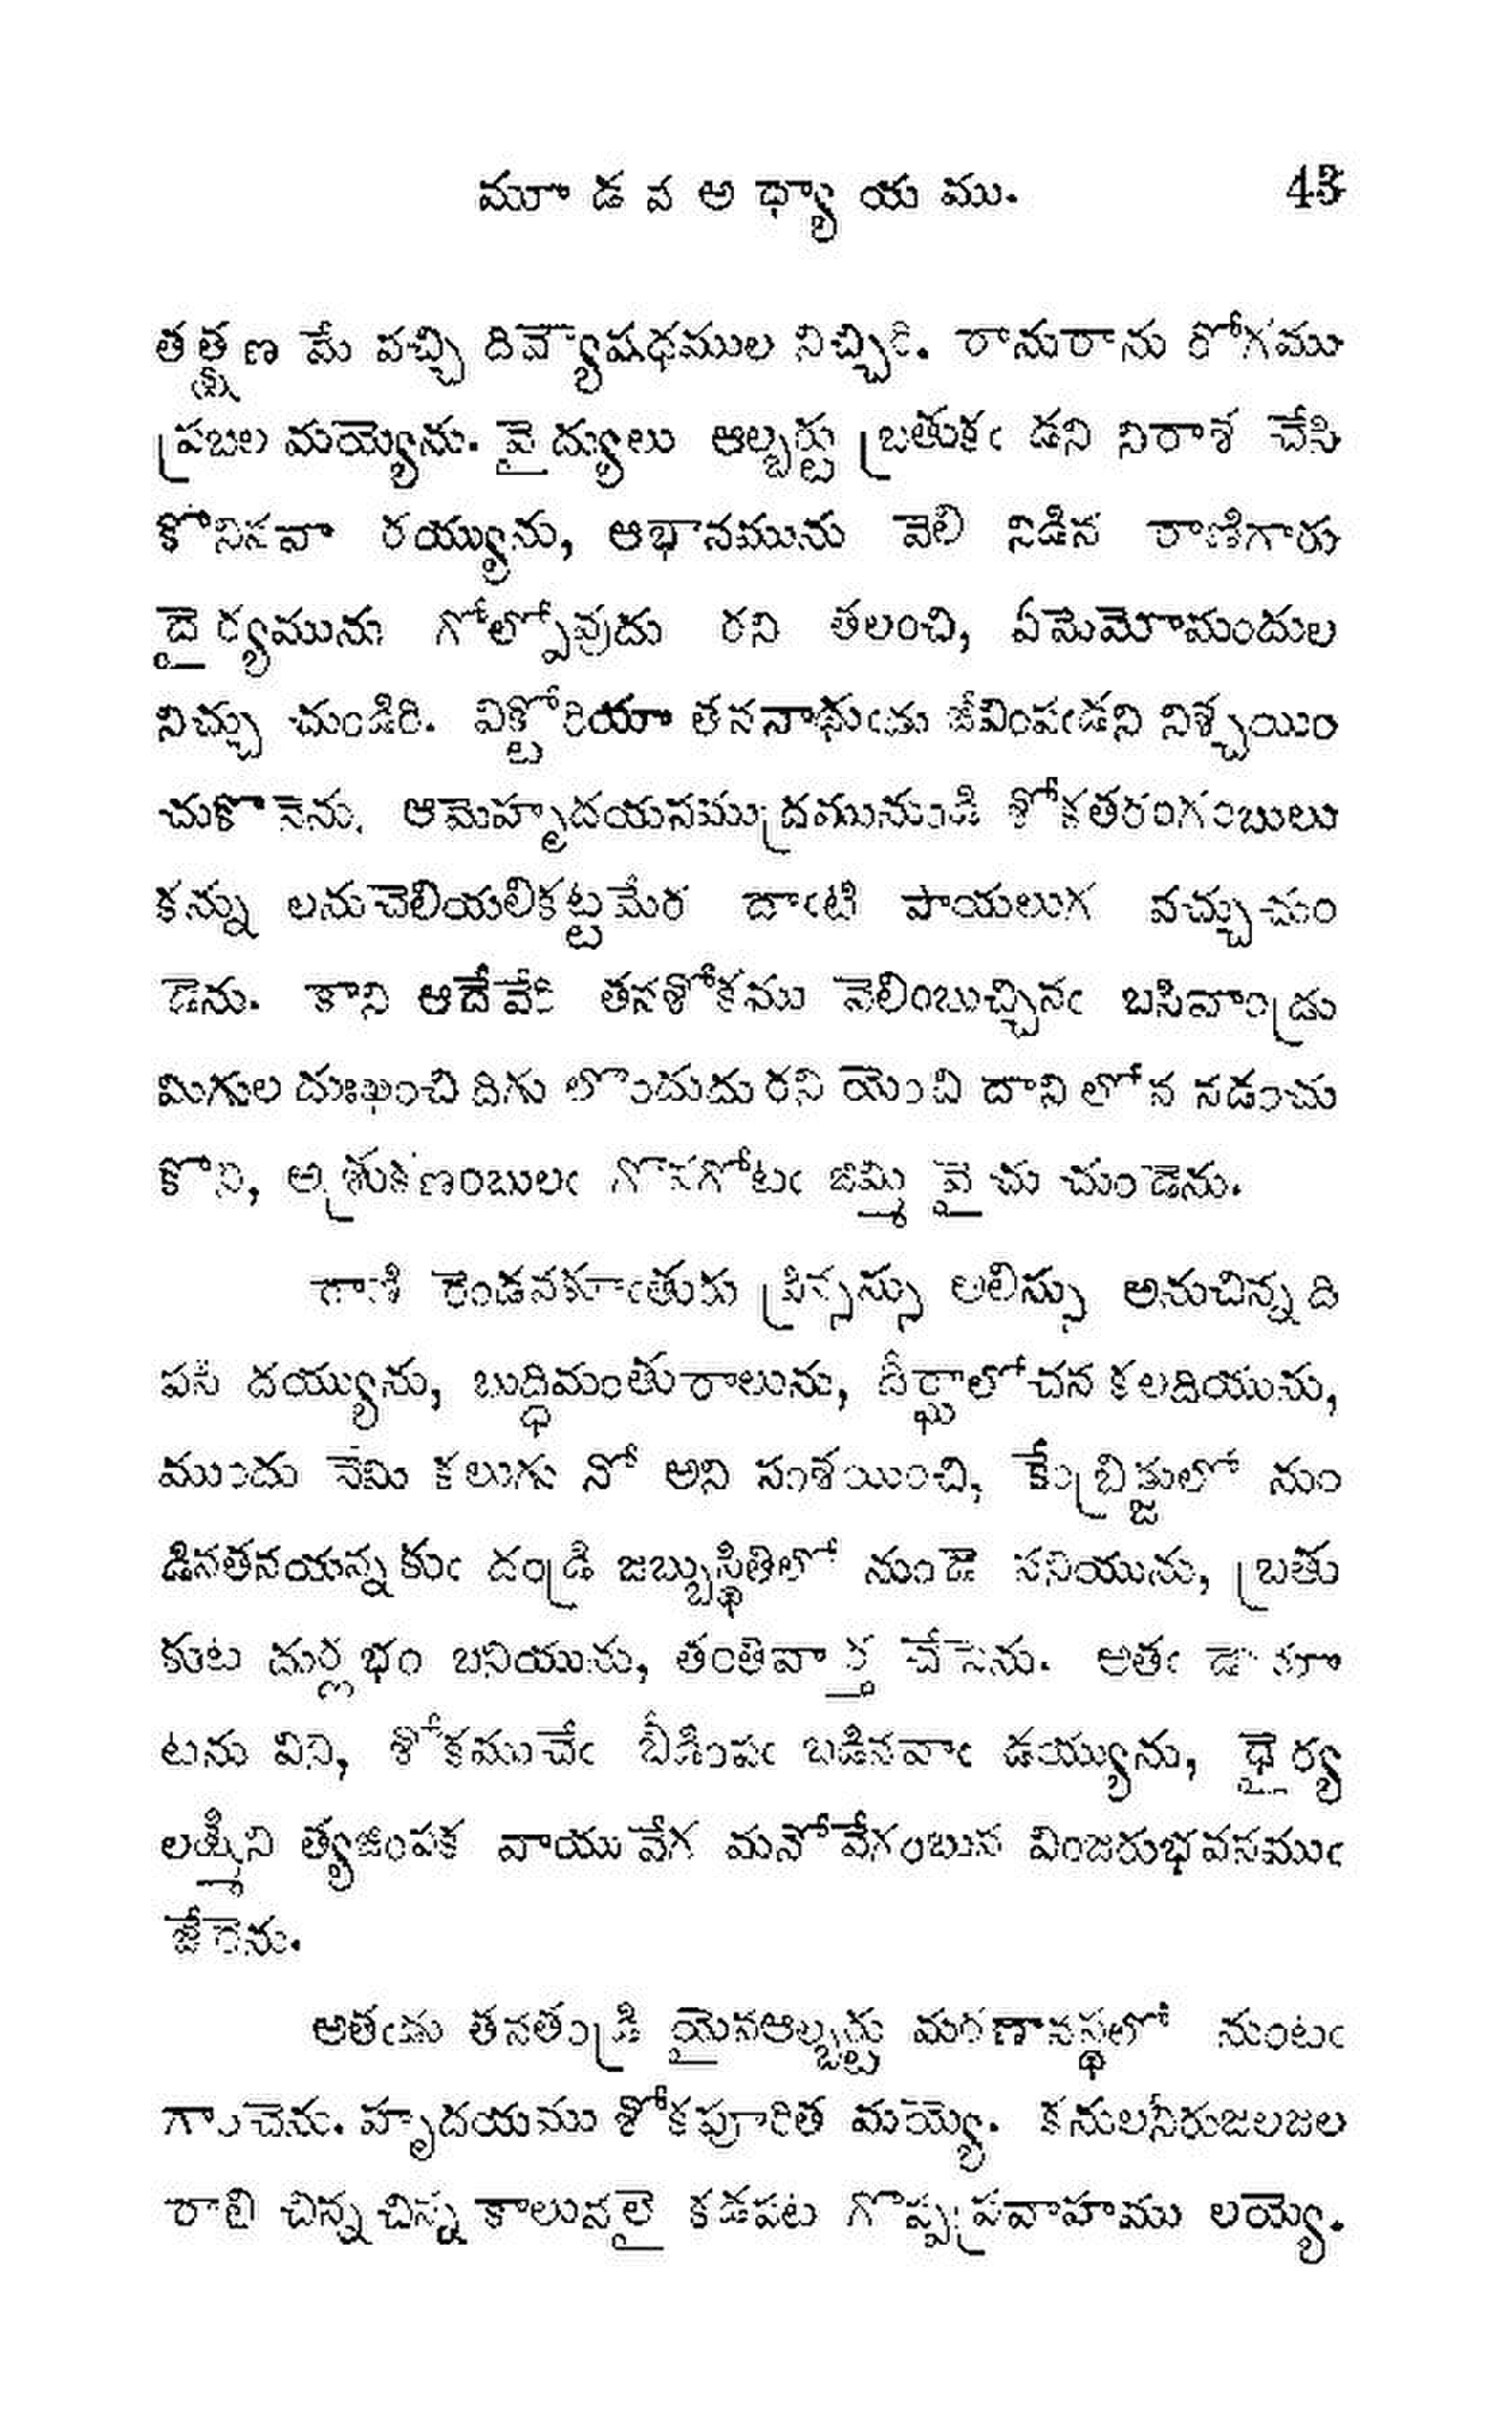తక్షణ మే వచ్చి దివ్వౌషధముల నిచ్చిరి . రానురాను రోగము ప్రబల మయ్యెను. వైద్యులు ఆల్బర్టు బ్రతుకఁ డని నిరాశ చేసి కోనినవారయ్యును, ఆఛానమును వెలి నిడిన రాణీగారు
దైర్యమును గోల్పోవుదురని తలంచి, ఏమేమోమందుల నిచ్చు చుండిరి. విక్టోరియా తననాథుఁను జీవించడని నిశ్చయించుకొనెను. ఆమెహృదయసముద్రమునుండి శోకతరంగంబులు
కన్ను లను చెలియలికట్ట మేర దాటి పాయలుగ వచ్చుచుండెను. కాని అదేవే తనశోకము నెలింబుచ్చినం బస్సిండ్రు మిగుల దుఃఖంచి దిగు లొందుదురనియేచి దాని లోన నడుచు
కొని, అదేవేరితనశోకమును వెలిబుచ్చిన బసి వాండ్రు మిగుల దుఃఖింతురని యెంచి దాని లోన నడంచు కొని అశ్రు కణంబుల గొనగోట జిమ్మివైచుచుండెను.

రాణి రెండవకూతెఉరు ప్రిన్సన్సు అలిన్సు అను చిన్నది పసి దయ్యును, బుద్ధిమంతురాలును, దీర్ఘాలోచన కలదియును, ముందు నేమి కలుగునో అని సంశయించి, కేబ్రిడ్జులో నుం
డిన తనయన్న కుఁ దండ్రి జబ్బుస్థితిలో నుండే సనియును, బ్రతుకుట దుర్లభం బనీయును, తంతెవార్త చేసెను. అతఁడామూటను విని, శోకముచేఁ బీడింప బడినవాఁ డయ్యును, ధైర్య
లక్ష్మిని త్యజింపక వాయు వేగ మనో వేగంబుస వింజరుభవసముఁజేరెని.

అతఁడు తనతండ్రి యైనఆల్బర్టు మరా ణానస్థలో నుంటఁగాంచెను. హృదయము శోక పూరిత మయ్యె. కనులనీరుజులజల రాలి చిన్న చిన్న కాలువలై కడపట గొప్ప ప్రవాహము లయ్యె -
.